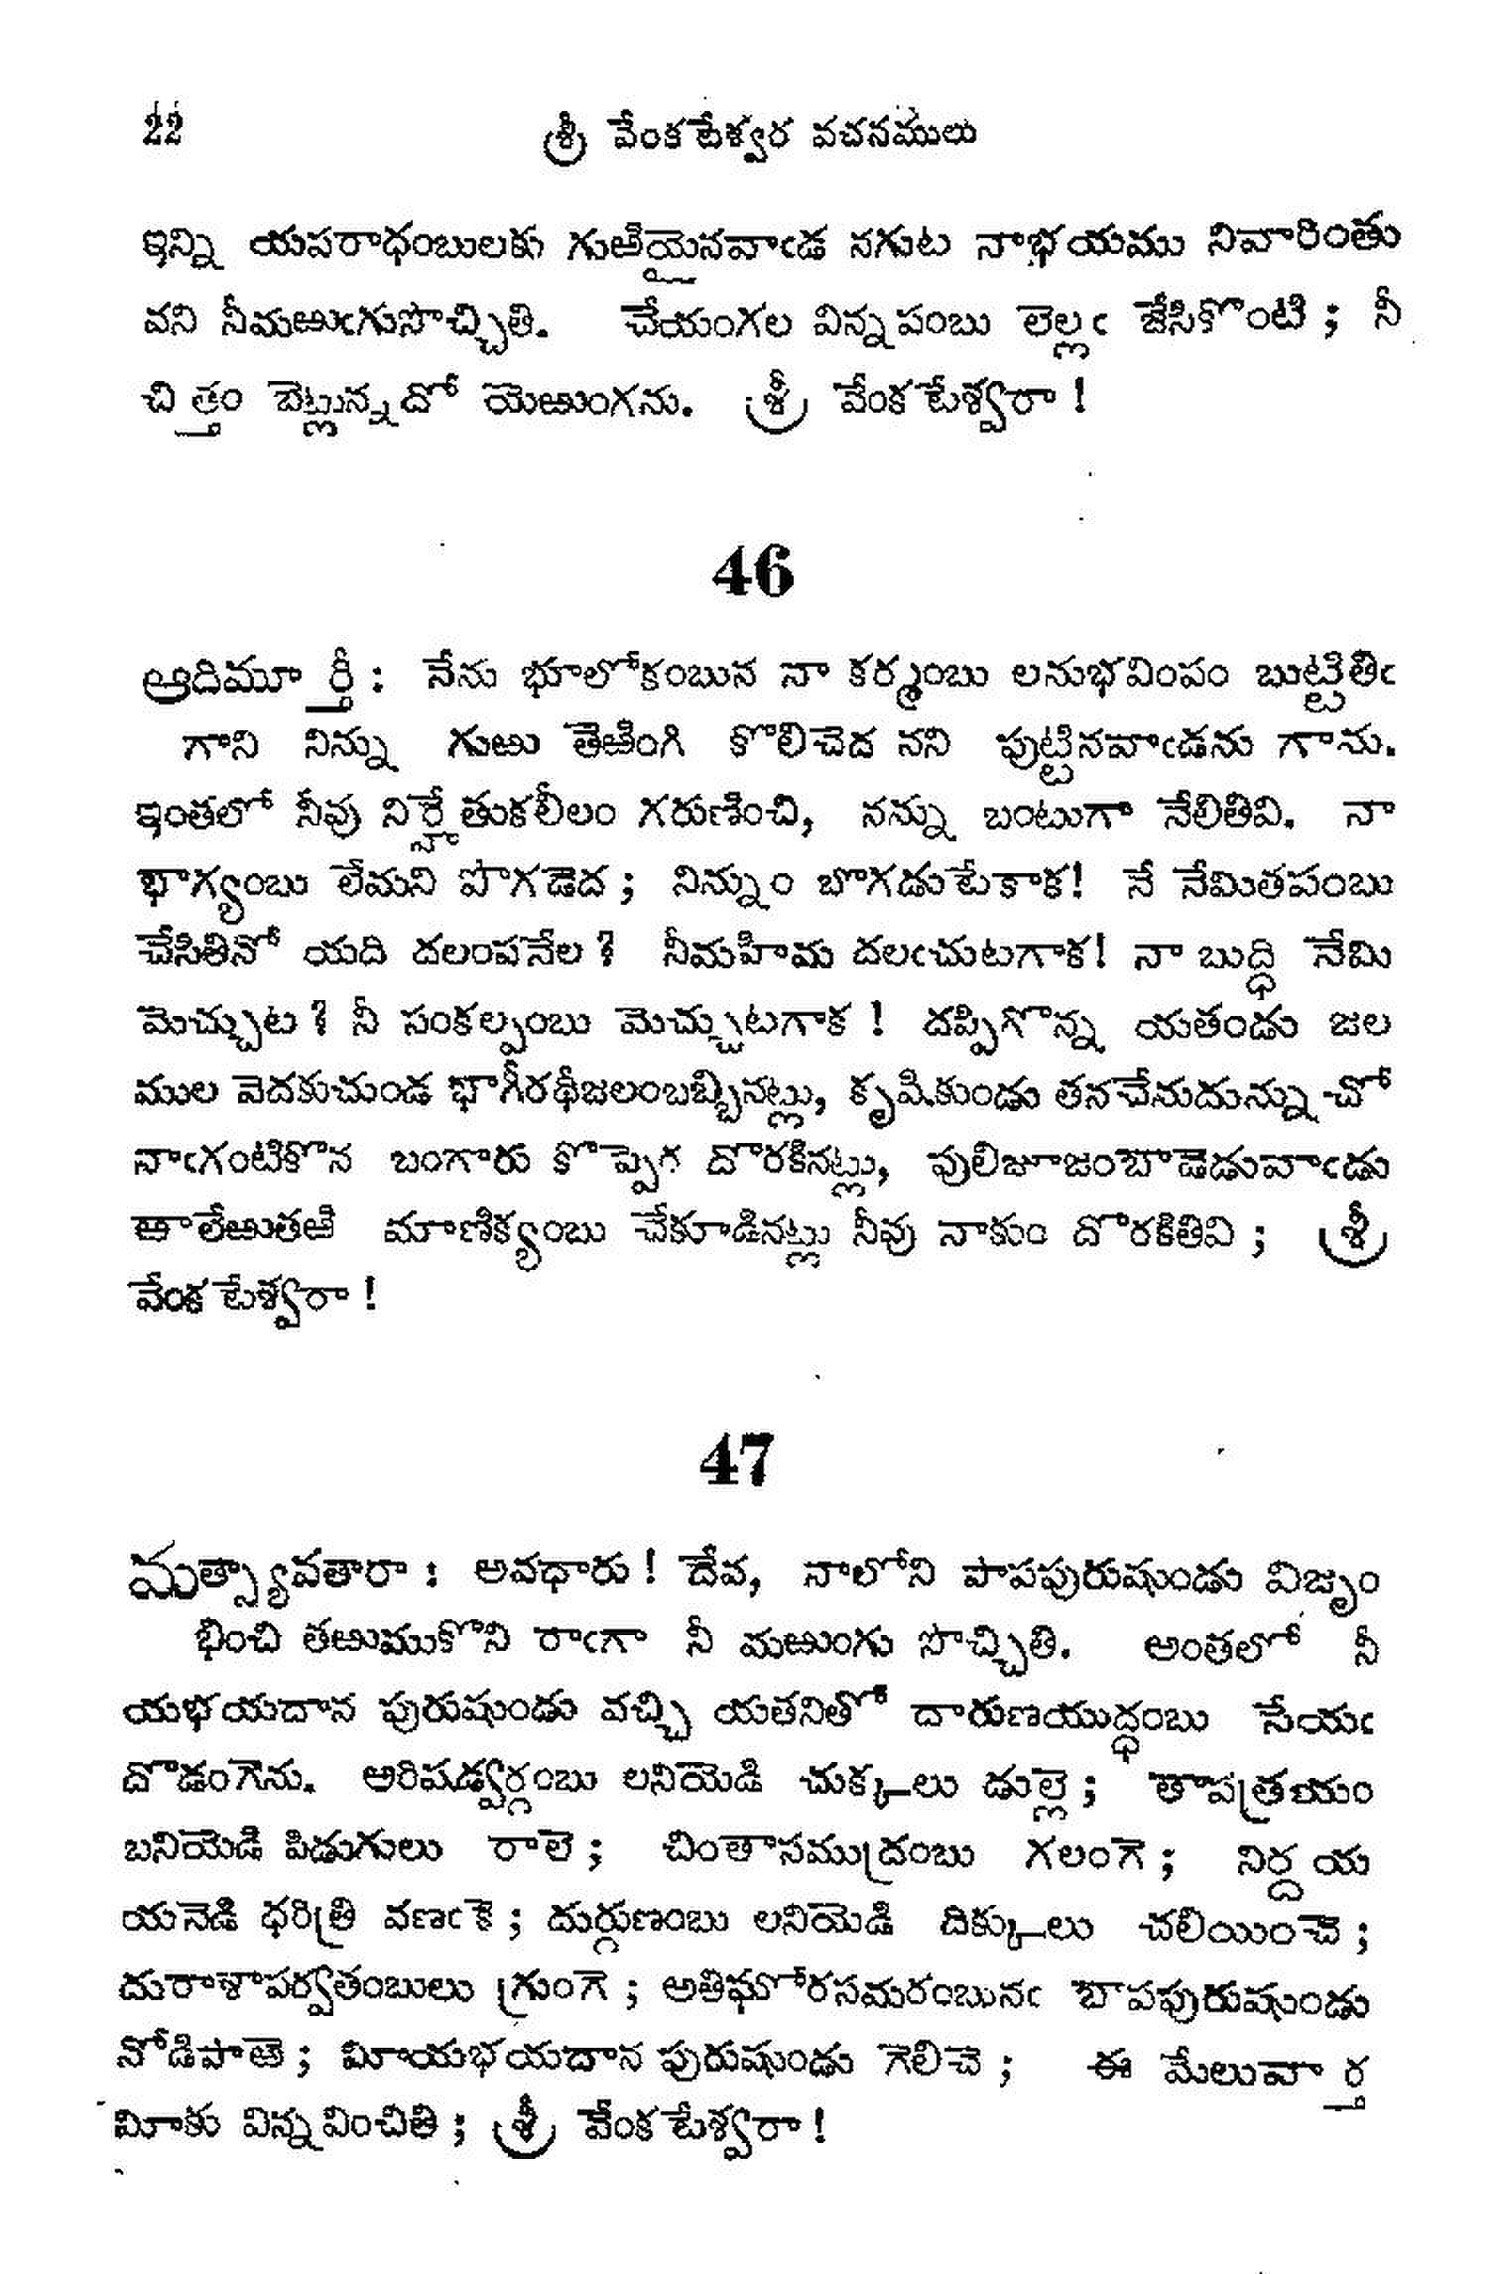ఇన్ని యపరాధంబులకు గుఱియైనవాఁడ నగుట నాభయము నివారింతు వని నీమఱుఁగుసొచ్చితి. చేయంగల విన్నపంబు లెల్లఁ జేసికొంటి; నీ చిత్తం బెట్లున్నదో యెఱుంగను. శ్రీ వేంకటేశ్వరా !

46 

 : నేను భూలోకంబున నా కర్మంబు లనుభవింపం బుట్టితిఁ గాని నిన్ను గుఱు తెఱింగి కొలిచెద నని పుట్టినవాఁడను గాను. ఇంతలో నీవు నిర్హేతుకలీలం గరుణించి, నన్ను బంటుగా నేలితివి. నా భాగ్యంబు లేమని పొగడెద ; నిన్నుం బొగడుటేకాక! నే నేమితపంబు చేసితినో యది దలంపనేల? నీమహిమ దలఁచుటగాక! నా బుద్ది నేమి మెచ్చుట ? నీ సంకల్పంబు మెచ్చుటగాక ! దప్పిగొన్న యతండు జలముల వెదకుచుండ భాగీరథీజలంబబ్బినట్లు, కృషికుండు తనచేనుదున్నుచో నాఁగంటికొన బంగారు కొప్పెర దొరకినట్లు, పులిజూజంబాడెడువాఁడు ఱాలేఱుతఱి మాణిక్యంబు చేకూడినట్లు నీవు నాకుం దొరకితివి ; శ్రీ వేంకటేశ్వరా !

47

 ! అవధారు ! దేవ, నాలోని పాపపురుషుండు విజృం
భించి తఱుముకొని రాఁగా నీ మఱుంగు సొచ్చితి. అంతలో నీ యభయదాన పురుషుండు వచ్చి యతనితో దారుణ యుద్ధంబు సేయఁ దొడంగెను. అరిషడ్వర్గంబు లనియెడి చుక్కలు డుల్లె; "తాపత్రయం బనియెడి పిడుగులు రాలె; చింతాసముద్రంబు గలంగె; నిర్దయ యనెడి ధరిత్రి వణఁకె ; దుర్గుణంబు లనియెడి దిక్కులు చలియించె; దురాశాపర్వతంబులు గ్రుంగె; అతిఘోరసమరంబునఁ బాపపురుషుండు నోడిపాఱె; మీయభయదాన పురుషుండు గెలిచె; ఈ మేలువార్త "మీకు విన్న వించితి; శ్రీ వేంకటేశ్వరా !